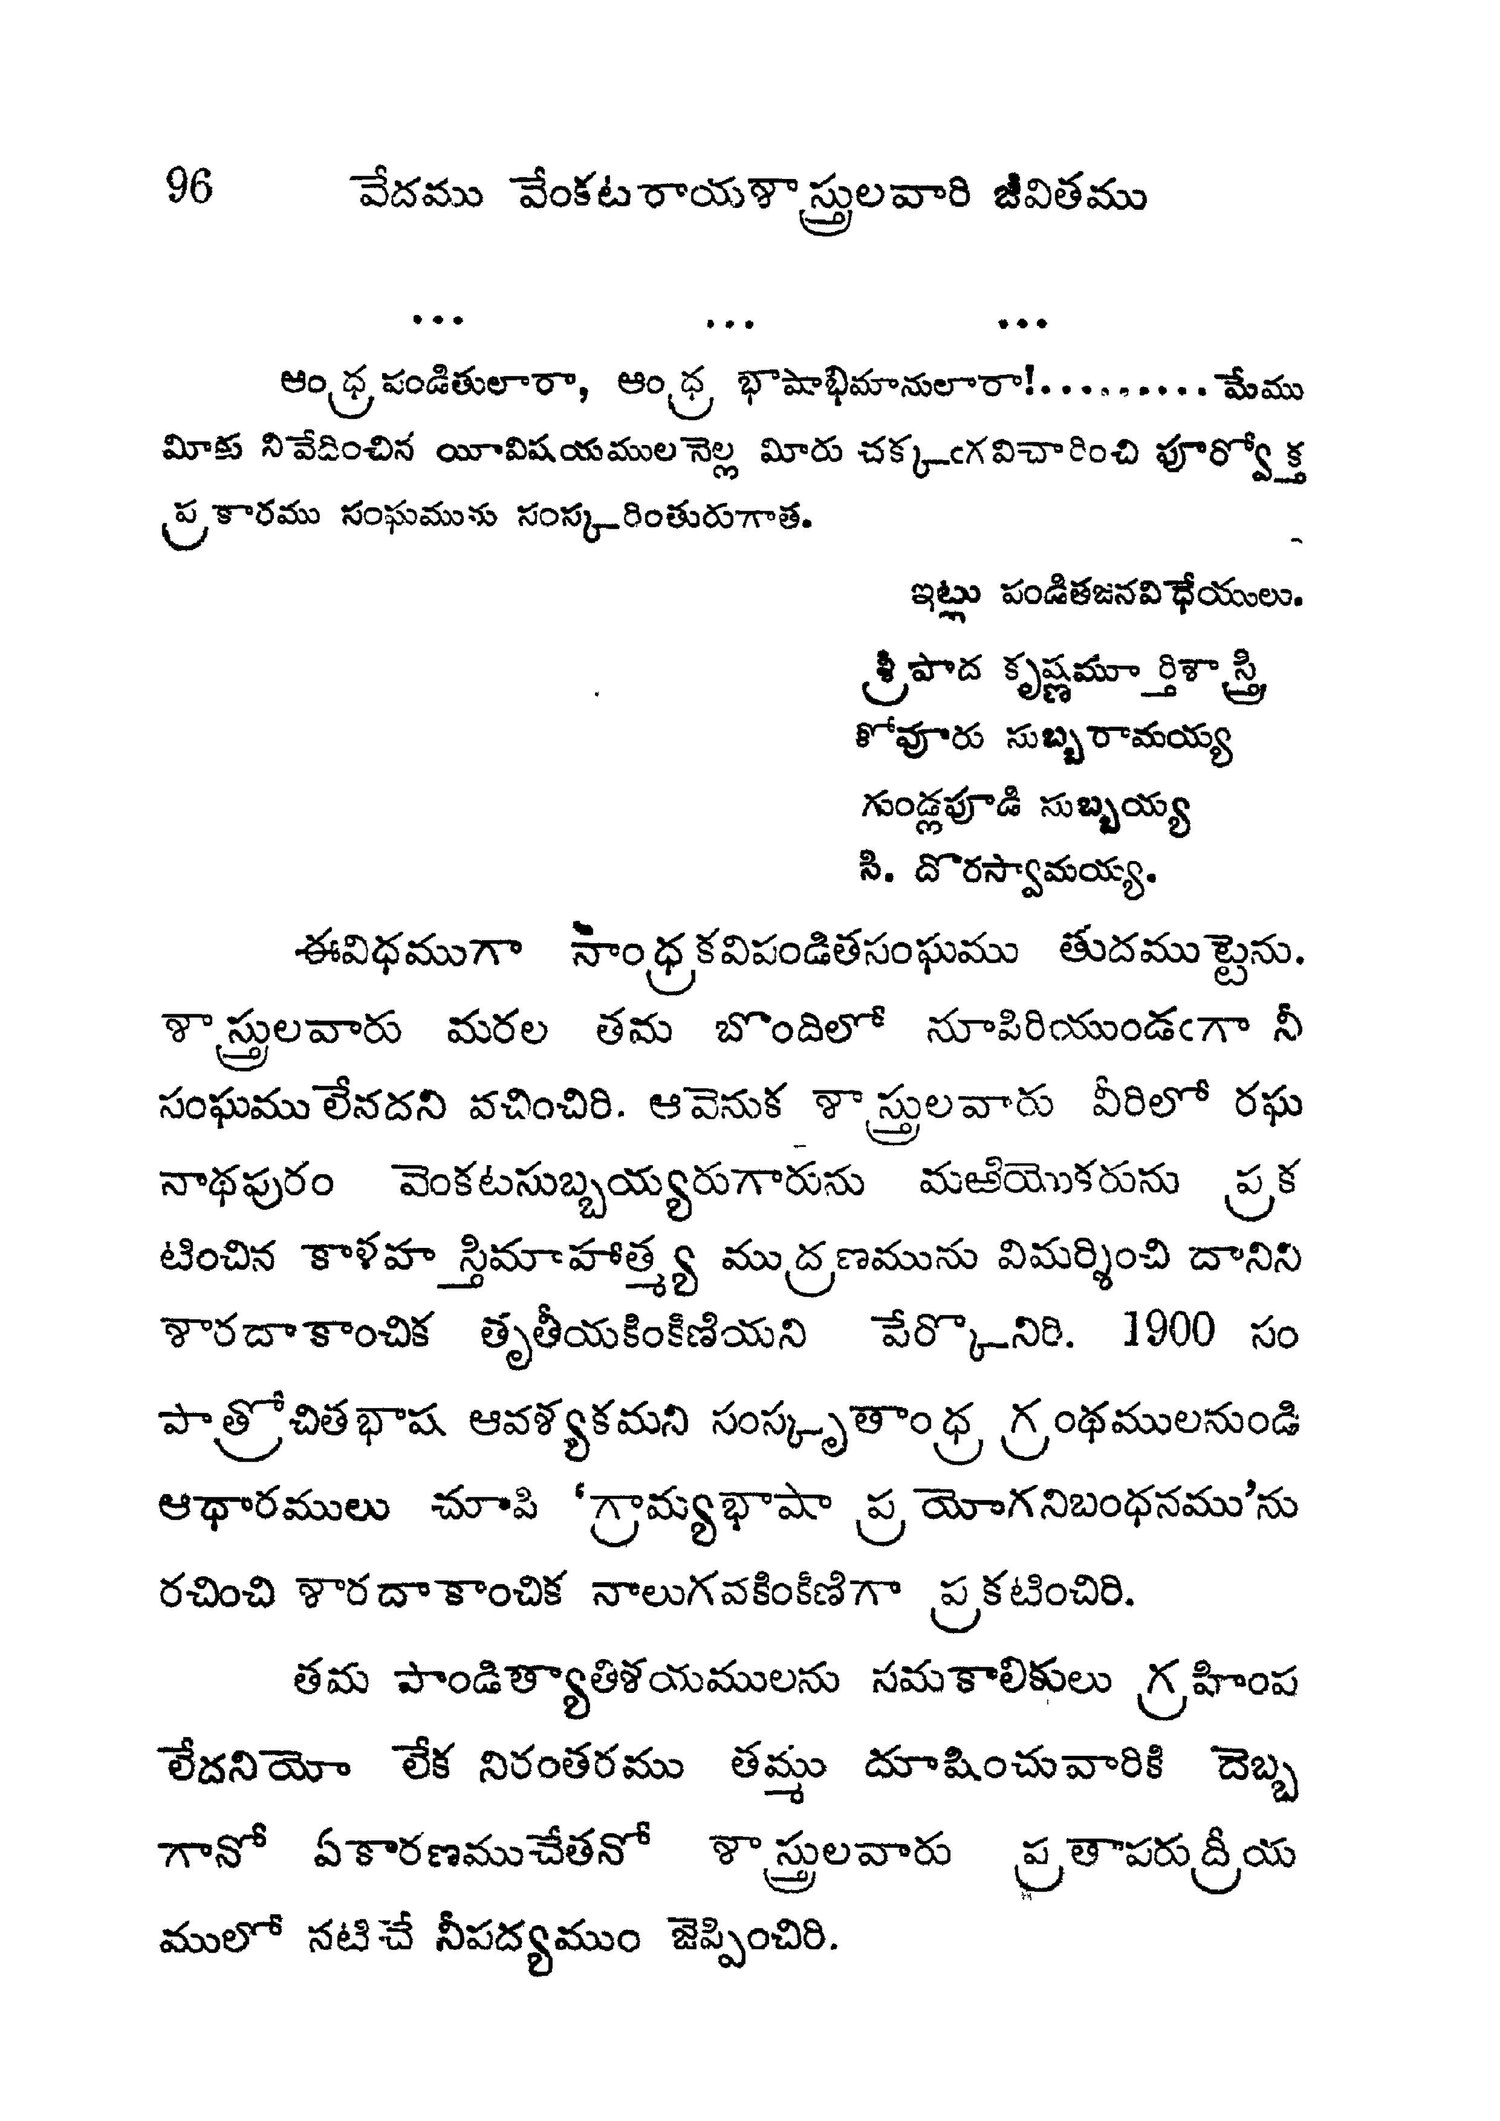ఆంధ్రపండితులారా, ఆంధ్ర భాషాభిమానులారా!..........మేము మీకు నివేదించిన యీవిషయములనెల్ల మీరు చక్కగవిచారించి పూర్వోక్తప్రకారము సంఘమును సంస్కరింతురుగాత.
ఇట్లు పండితజనవిధేయులు.
శ్రీపాద కృష్ణమూర్తిశాస్త్రి
కోవూరు సుబ్బరామయ్య
గుండ్లపూడి సుబ్బయ్య
సి. దొరస్వామయ్య.

ఈవిధముగా నాంధ్రకవిపండితసంఘము తుదముట్టెను. శాస్త్రూవారు మరల తమ బొందిలో నూపిరియుండగా నీ సంఘములేవదని వచించిరి. ఆవెనుక శాస్త్రులవారు వీరిలో రఘనాథపురం వెంకటసుబ్బయ్యరుగారును మఱియొకరును ప్రకటించిన కాళహస్తిమాహాత్మ్య ముద్రణమును విమర్శించి దానిని శారదా కాంచిక తృతీయకింకిణియని పేర్కొనిరి. 1900 సం. పాత్రోచితభాష ఆవశ్యకమని సంస్కృతాంధ్ర గ్రంథములనుండి ఆథారములు చూపి 'గ్రామ్యభాషా ప్రయోగనిబంధనము'ను రచించి శారదాకాంచిక నాలుగవకింకిణిగా ప్రకటించిరి.

తమ పాండిత్యాతిశయములను సమకాలికులు గ్రహింప లేదనియో లేక నిరంతరము తమ్ము దూషించువారికి దెబ్బగానో ఏకారణముచేతనో శాస్త్రులవారు ప్రతాపరుద్రీయములో నటిచే నీపద్యముం జెప్పించిరి.